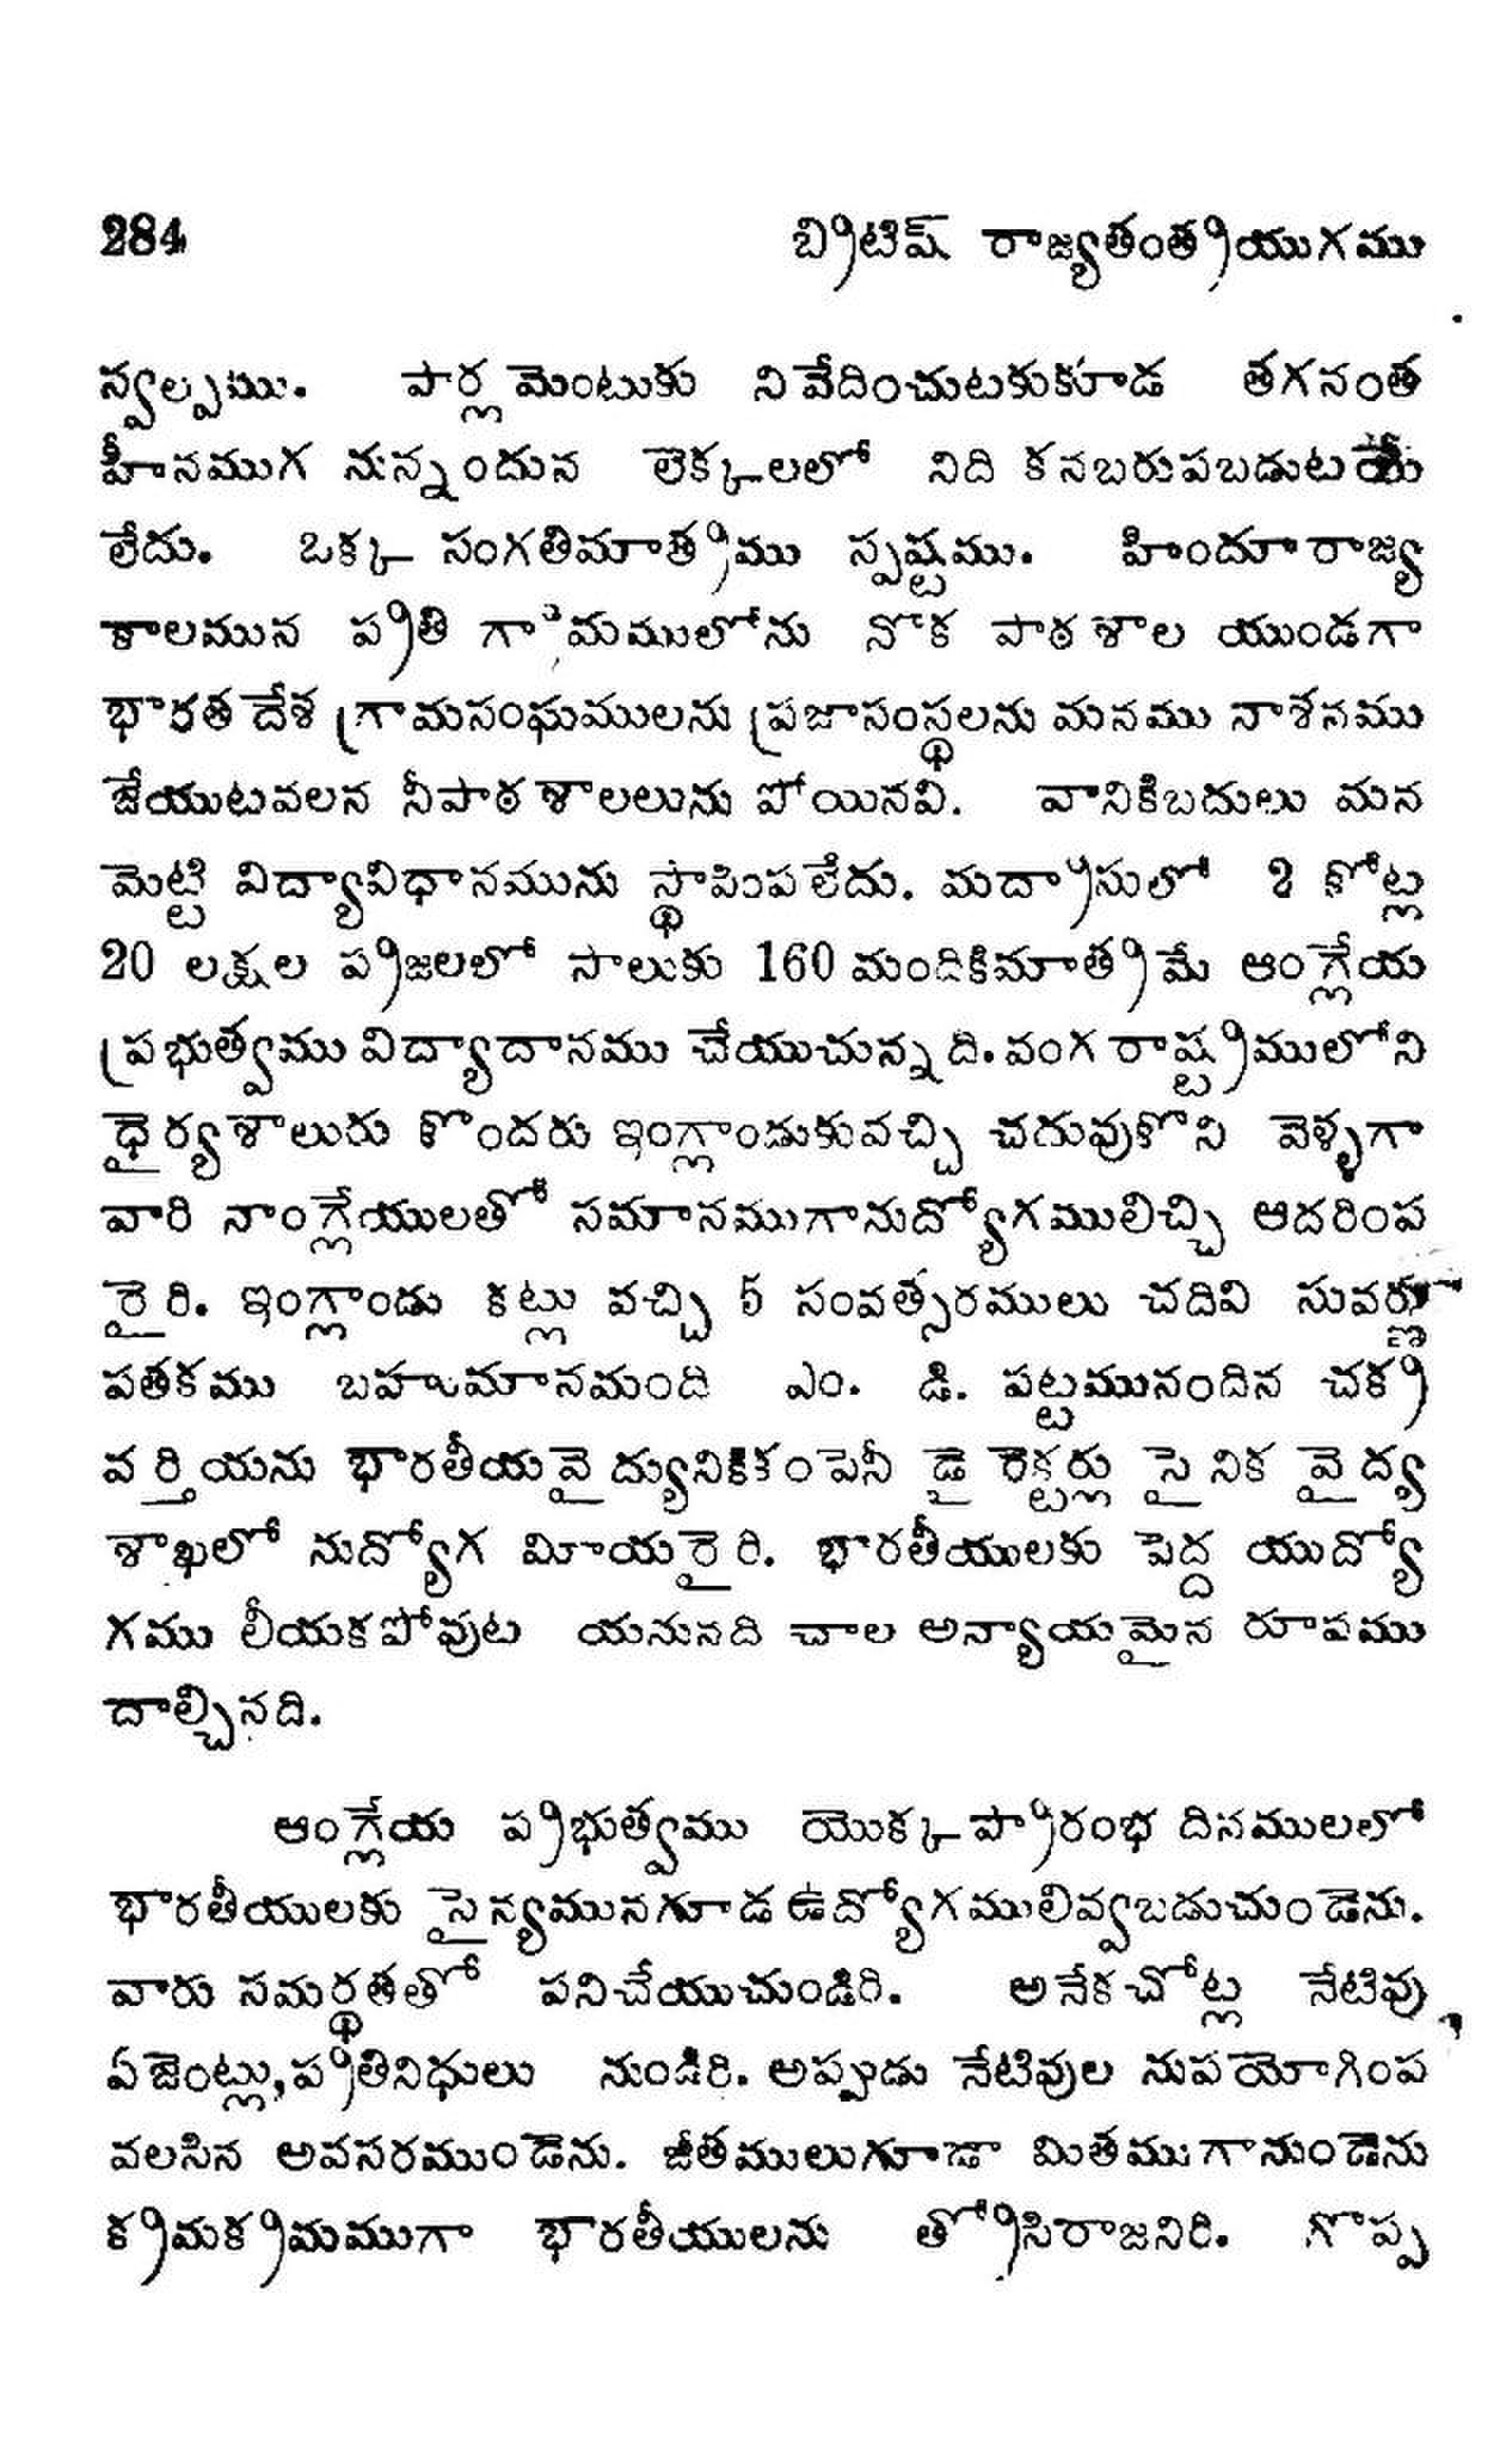స్వల్పము. పార్లమెంటుకు నివేదించుటకుకూడ తగనంత హీనముగ నున్నందున లెక్కలలో నిది కనబరుపబడుటయే లేదు. ఒక్క సంగతిమాత్రము స్పష్టము. హిందూరాజ్య కాలమున ప్రతి గ్రామములోను నొక పాఠశాల యుండగా
భారతదేశ గ్రామసంఘములను ప్రజాసంస్థలను మనము నాశనము జేయుటవలన నీపాఠశాలలును పోయినవి. వానికిబదులు మనమెట్టి విద్యావిధానమును స్థాపింపలేదు. మద్రాసులో 2 కోట్ల 20 లక్షల ప్రజలలో సాలుకు 160 మందికిమాత్రమే ఆంగ్లేయ ప్రభుత్వము విద్యాదానము చేయుచున్నది. వంగరాష్ట్రములోని ధైర్యశాలురు కొందరు ఇంగ్లాండుకువచ్చి చదువుకొని వెళ్ళగా వారి నాంగ్లేయులతో సమానముగా నుద్యోగములిచ్చి ఆదరింపరైరి. ఇంగ్లాండు కట్లు వచ్చి 5 సంవత్సరములు చదివి సువర్ణ పతకము బహుమానమంది ఎం. డి. పట్టమునందిన చక్రవర్తియను భారతీయవైద్యునికి కంపెనీ డైరెక్టర్లు సైనిక వైద్యశాఖలో నుద్యోగ మీయరైరి. భారతీయులకు పెద్ద యుద్యోగము లీయకపోవుట యనునది చాల అన్యాయమైన రూపము దాల్చినది.

ఆంగ్లేయ ప్రభుత్వము యొక్క ప్రారంభ దినములలో భారతీయులకు సైన్యమునగూడ ఉద్యోగములివ్వబడుచుండెను. వారు సమర్థతతో పనిచేయుచుండిరి. అనేక చోట్ల నేటివు. ఏజెంట్లు, ప్రతినిధులు నుండిరి. అప్పుడు నేటివుల నుపయోగింప వలసిన అవసరముండెను. జీతములుగూడా మితముగానుండెను క్రమక్రమముగా భారతీయులను త్రోసిరాజనిరి. గొప్ప